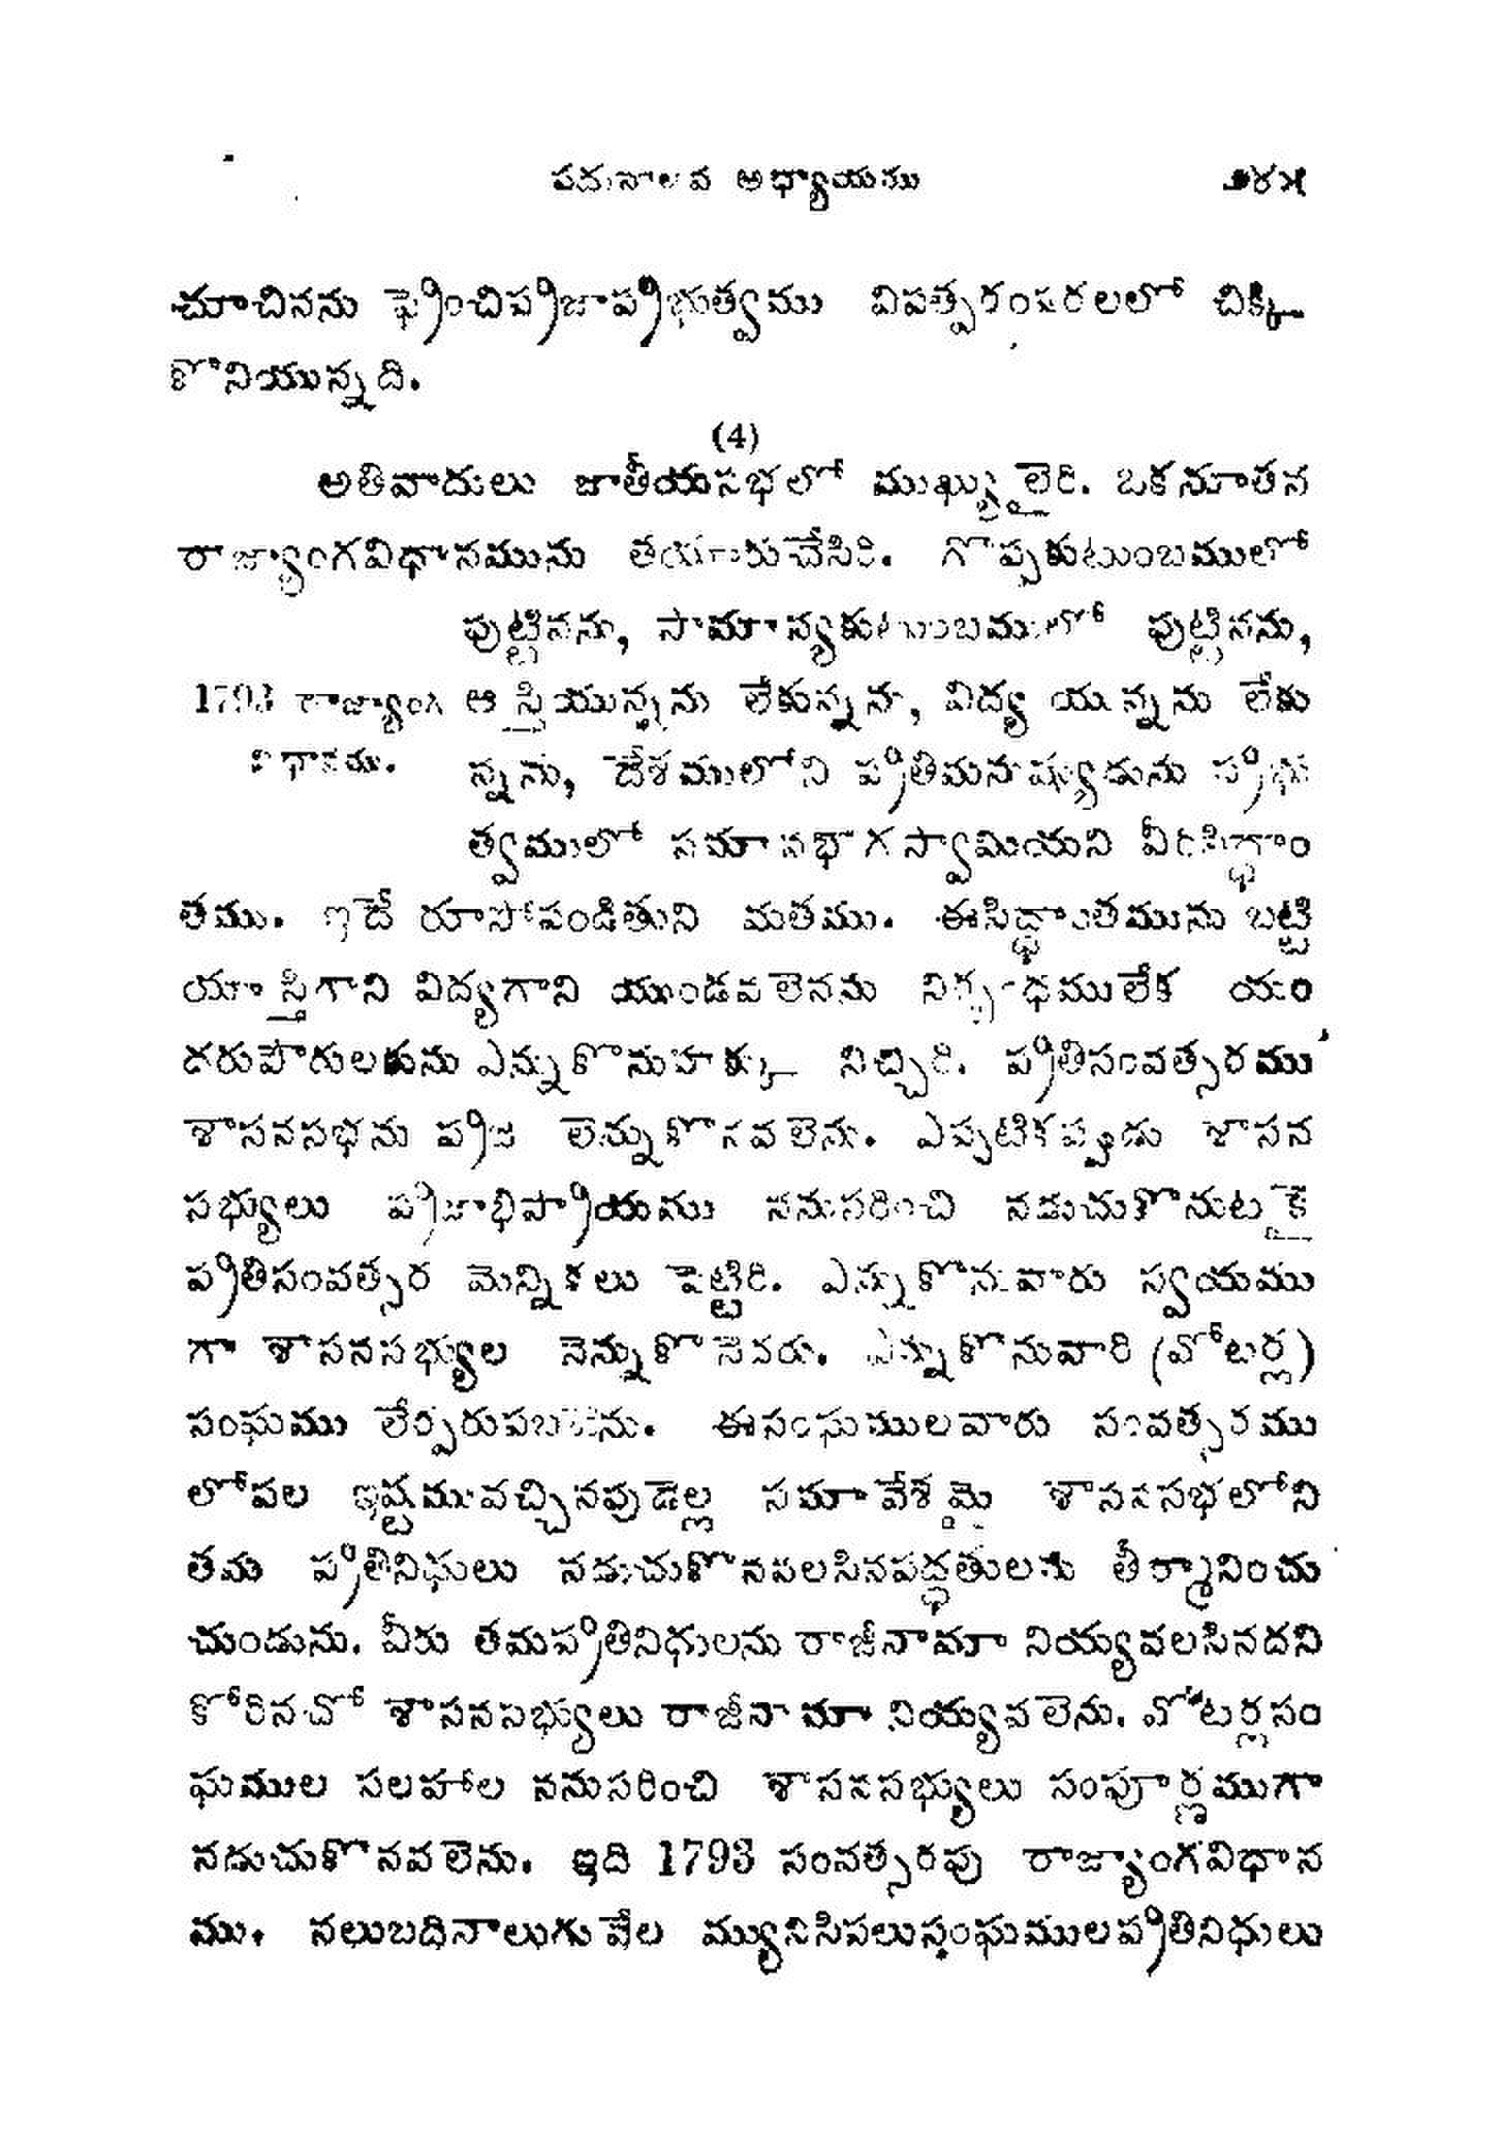గానము.
చూచినను ఫ్రెంచి ప్రజా ప్రభుత్వము విపత్పరంపరలలో చిక్కి
కొనియున్నది.

1793 రాజ్యాంగ 
విధానము
అతివాదులు జాతీయసభలో ముఖ్యులైరి. ఒక నూతన
రాజ్యాంగవిధానమును తయారు చేసిరి. గొప్ప కుటుంబములో
పుట్టినను, సామాన్యకుటుంబములో పుట్టినను,
ఆస్థి యున్నను లేకున్ననూ, విద్య యన్నను లేకు
న్నను, "దేశములోని ప్రతిమనష్యుడును -ప్ర
త్వములో సమాన భాగస్వామియని వీరి సిద్ధాం
తము. ఇదే రూసో పండితుని మతము. ఈ సిద్ధాంతమును బట్టి
యాస్థి గాని విద్యగాని యుండవలెనను నిర్బంధము లేక యం
దరు పౌరులకును ఎన్నుకొను హక్కు నిచ్చిరి. ప్రతి సంవత్సరము
శాసనసభను ప్రజలెన్ను కొనవలెను. ఎప్పటికప్పుడు శాసన
సభ్యులు ప్రజాభిప్రాయము ననుసరించి నడుచుకొనుట కే
ప్రతి సంవత్సర మెన్నికలు పెట్టిరి. ఎన్నుకొను వారు స్వయము
గా శాసనసభ్యుల నెన్ను కొనెదరు. ఎన్ను కొనువారి (వోటర్ల)
సంఘము లేర్పరుపబడును. ఈసంఘములవారు సంవత్సరము
లోపల ఇష్టము వచ్చినపు డెల్ల సమా వేశమై శాసనసభలోని
తమ ప్రతినిథులు నడుచుకొనవలసిన పద్ధతులను తీర్మానించు
చుండును. వీరు తమప్రతినిధులను రాజీనామా నియ్య వలసినదని
కోరిన చో శాసన సభ్యులు రాజీనామా నియ్యవలెను. వోటర్ల సం
ఘముల సలహాల ననుసరించి శాసనసభ్యులు సంపూర్ణముగా
నడుచుకొనవలెను. ఇది 1793 సంవత్సరపు రాజ్యాంగ విధాన
ము, నలుబదినాలుగు వేల మ్యునిసిపలు సంఘముల ప్రతినిధులు